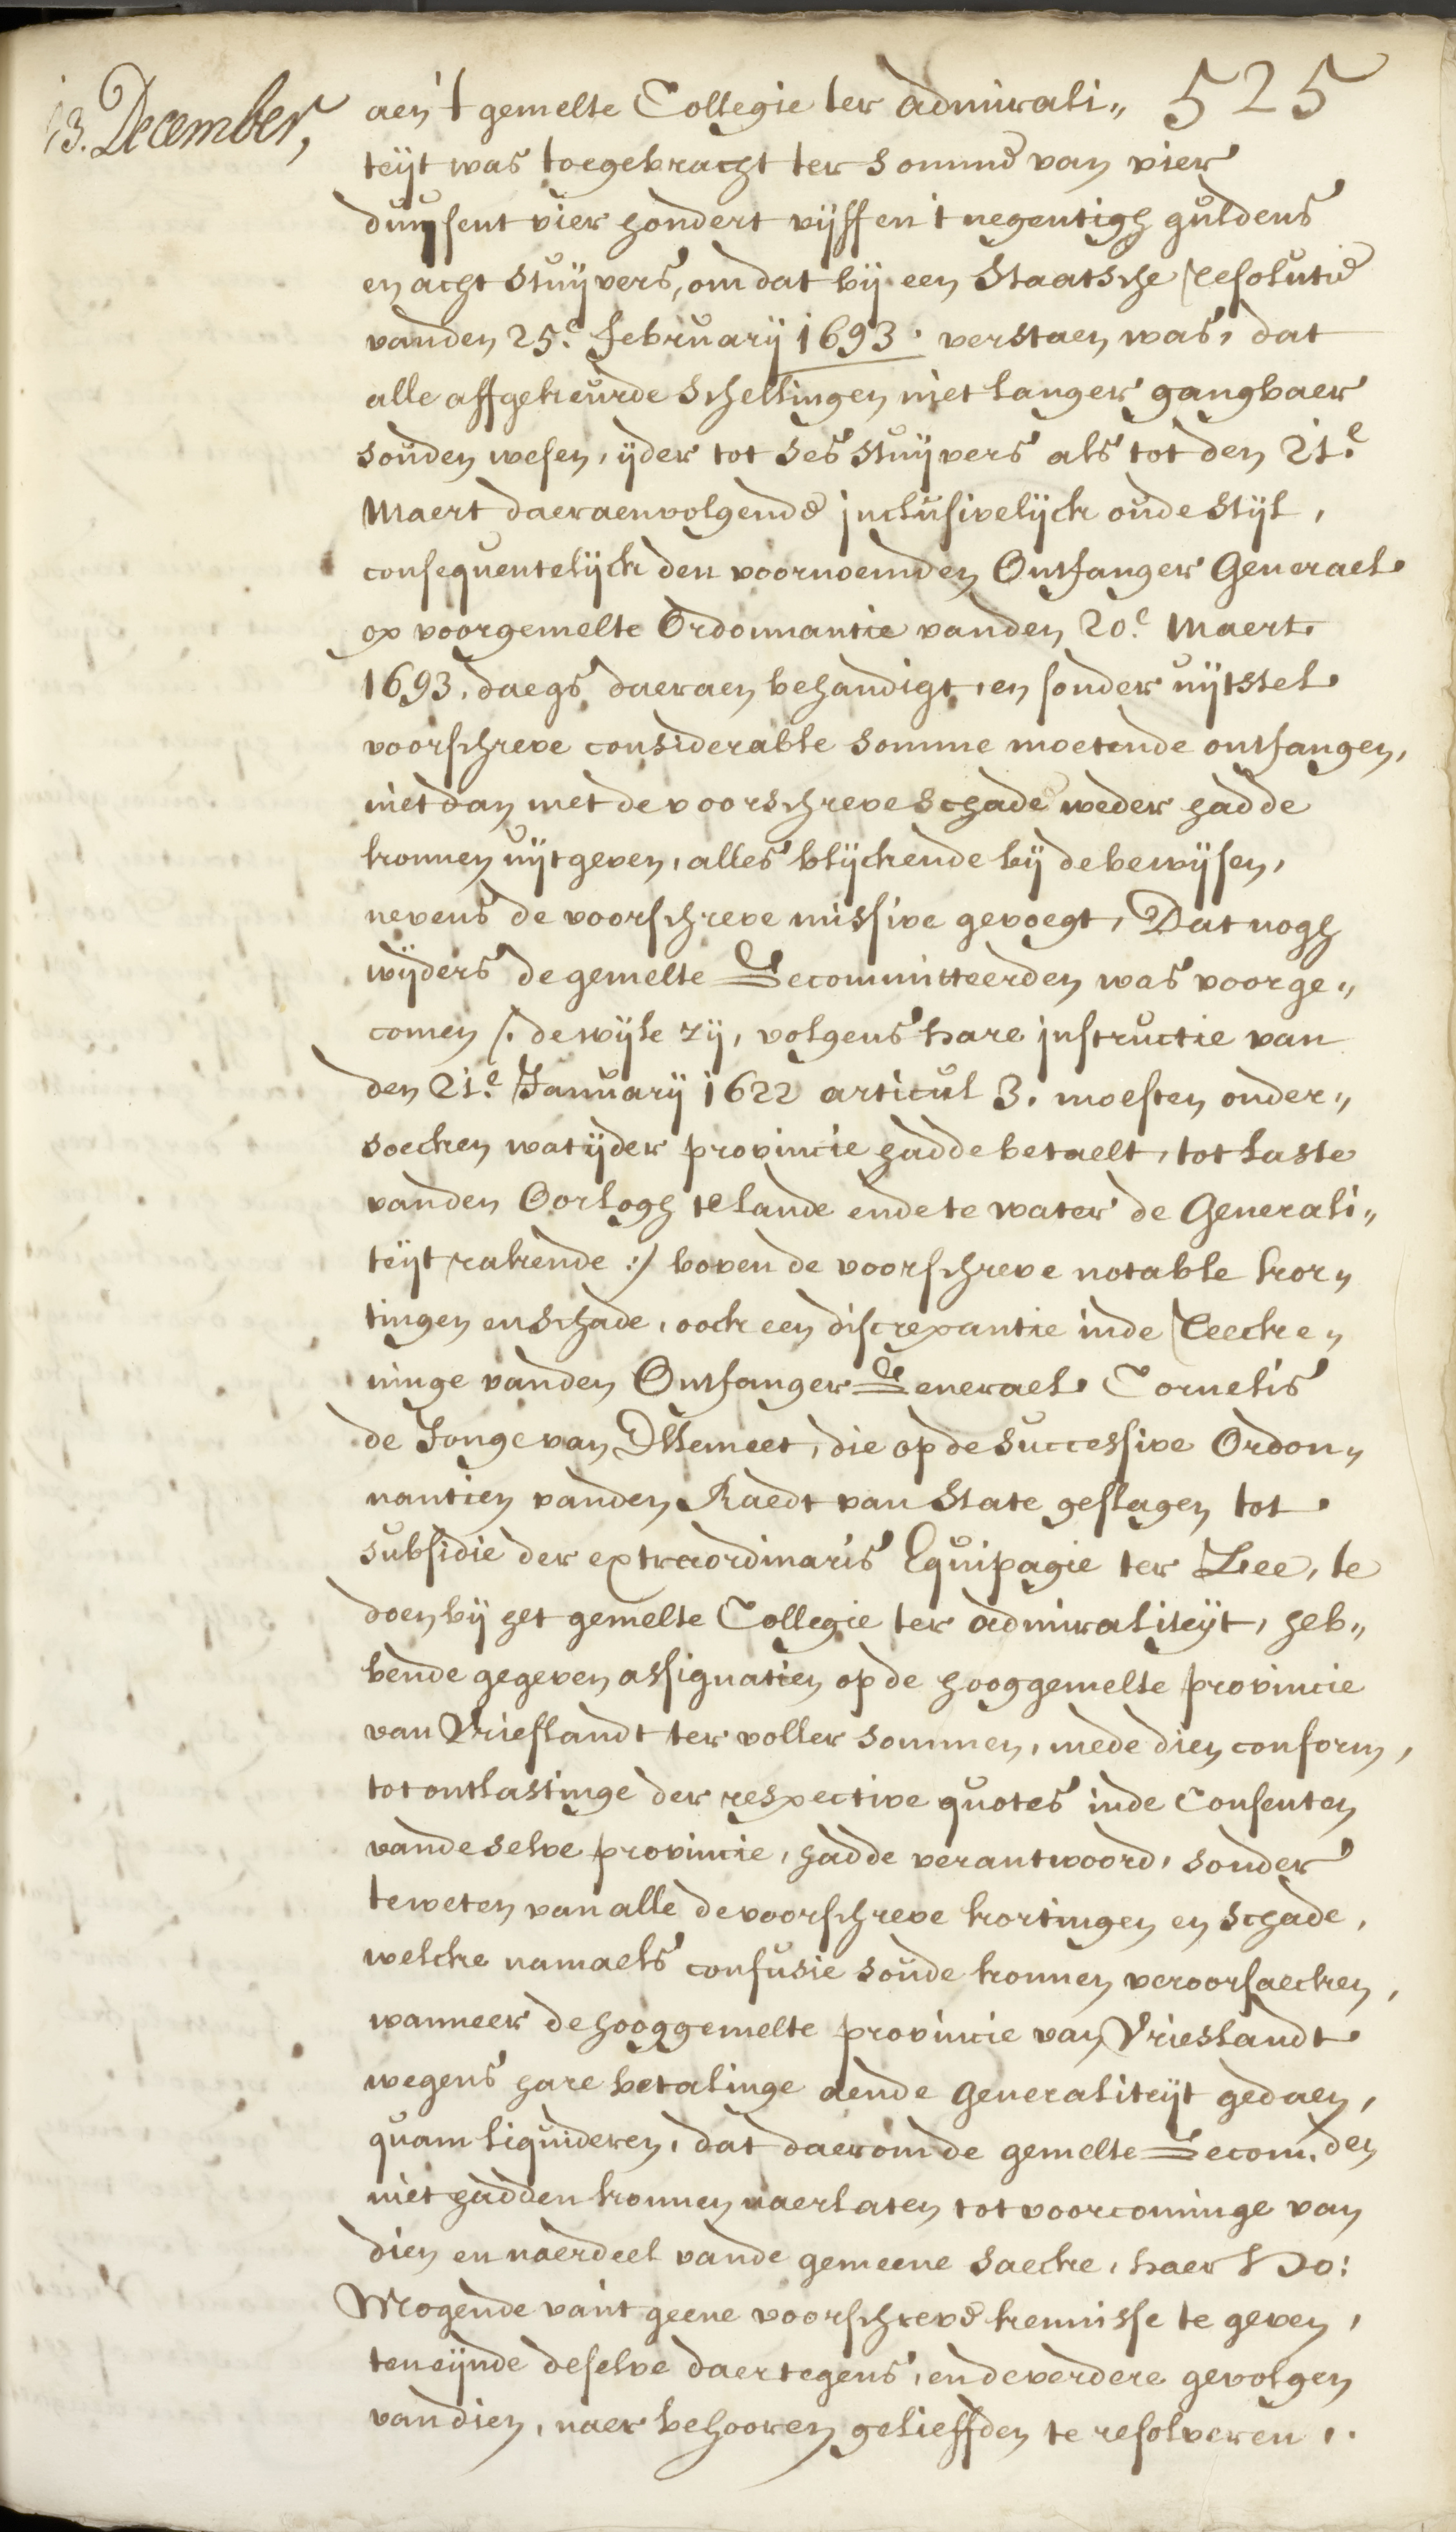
525
13. December,
aen ‛t gemelte Collegie ter admirali„
teijt was toegebracht ter somme van vier
duijsent vier hondert vijff en ‛t negentigh guldens
en acht stuijvers, om dat bij een Staatsche resolutie
vanden 25e. februarij 1693. verstaen, was, dat
alle affgekeurde schellingen niet langer gangbaer
souden wesen, ijder tot ses stuijvers als tot den 21e.
Maert daeraenvolgende inclusivelijck oude stijl,
consequentelijck den voornoemden Ontfanger Generael
op voorgemelte Ordonnantie vanden 20e. Maert
1693, daegs daeraen behandigt, en sonder uijtstel
voorschreve considerable somme moetende onfangen,
niet dan met de voorschreve schade weder hadde
konnen uijtgeven, alles blijckende bij de bewijsen,
nevens de voorschreve missive gevoegt, Dat nogh
wijders de gemelte Gecommitteerden was voorge„
comen (.de wijle zij, volgens hare instructie van
den 21e. Januarij 1622 articul 3. moesten onder„
soecken wat ijder provincie hadde betaelt, tot laste
vanden Oorlogh te lande ende te water de Generali„
teijt rakende:) boven de voorschreve notable kor„
tingen en schade, oock een discrepantie inde Reecke„
ninge vanden Ontfanger Generael Cornelis
de Jonge van Ellemeet, die op de successive Ordon„
nantien vanden Raedt van State geslagen tot
subsidie der extraordinaris Equipagie ter Zee, te
doen bij het gemelte Collegie ter admiraliteijt, heb„
bende gegeven assignatien op de hooggemelte provincie
van Vrieslandt ter voller sommen, mede dien conform,
tot ontlastinge der respective quotes inde consenten
vande selve provincie, hadde verantwoord, sonder
te weten van alle de voorschreve kortingen en schade,
welcke namaels confusie soude konnen veroorsaecken,
wanneer de hooggemelte provincie van Vrieslandt
wegens hare betalinge aende Generaliteijt gedaen,
quam liquideren, dat daerom de gemelte Gecom.den
niet hadden konnen naerlaten tot voorcominge van
dien en naerdeel vande gemeene Saecke, haer Ho:
Mogende van‛t geene voorschreve kennisse te geven,
teneijnde deselve daer tegens, ende verdere gevolgen
vandien, naer behooren gelieffden te resolveren,
